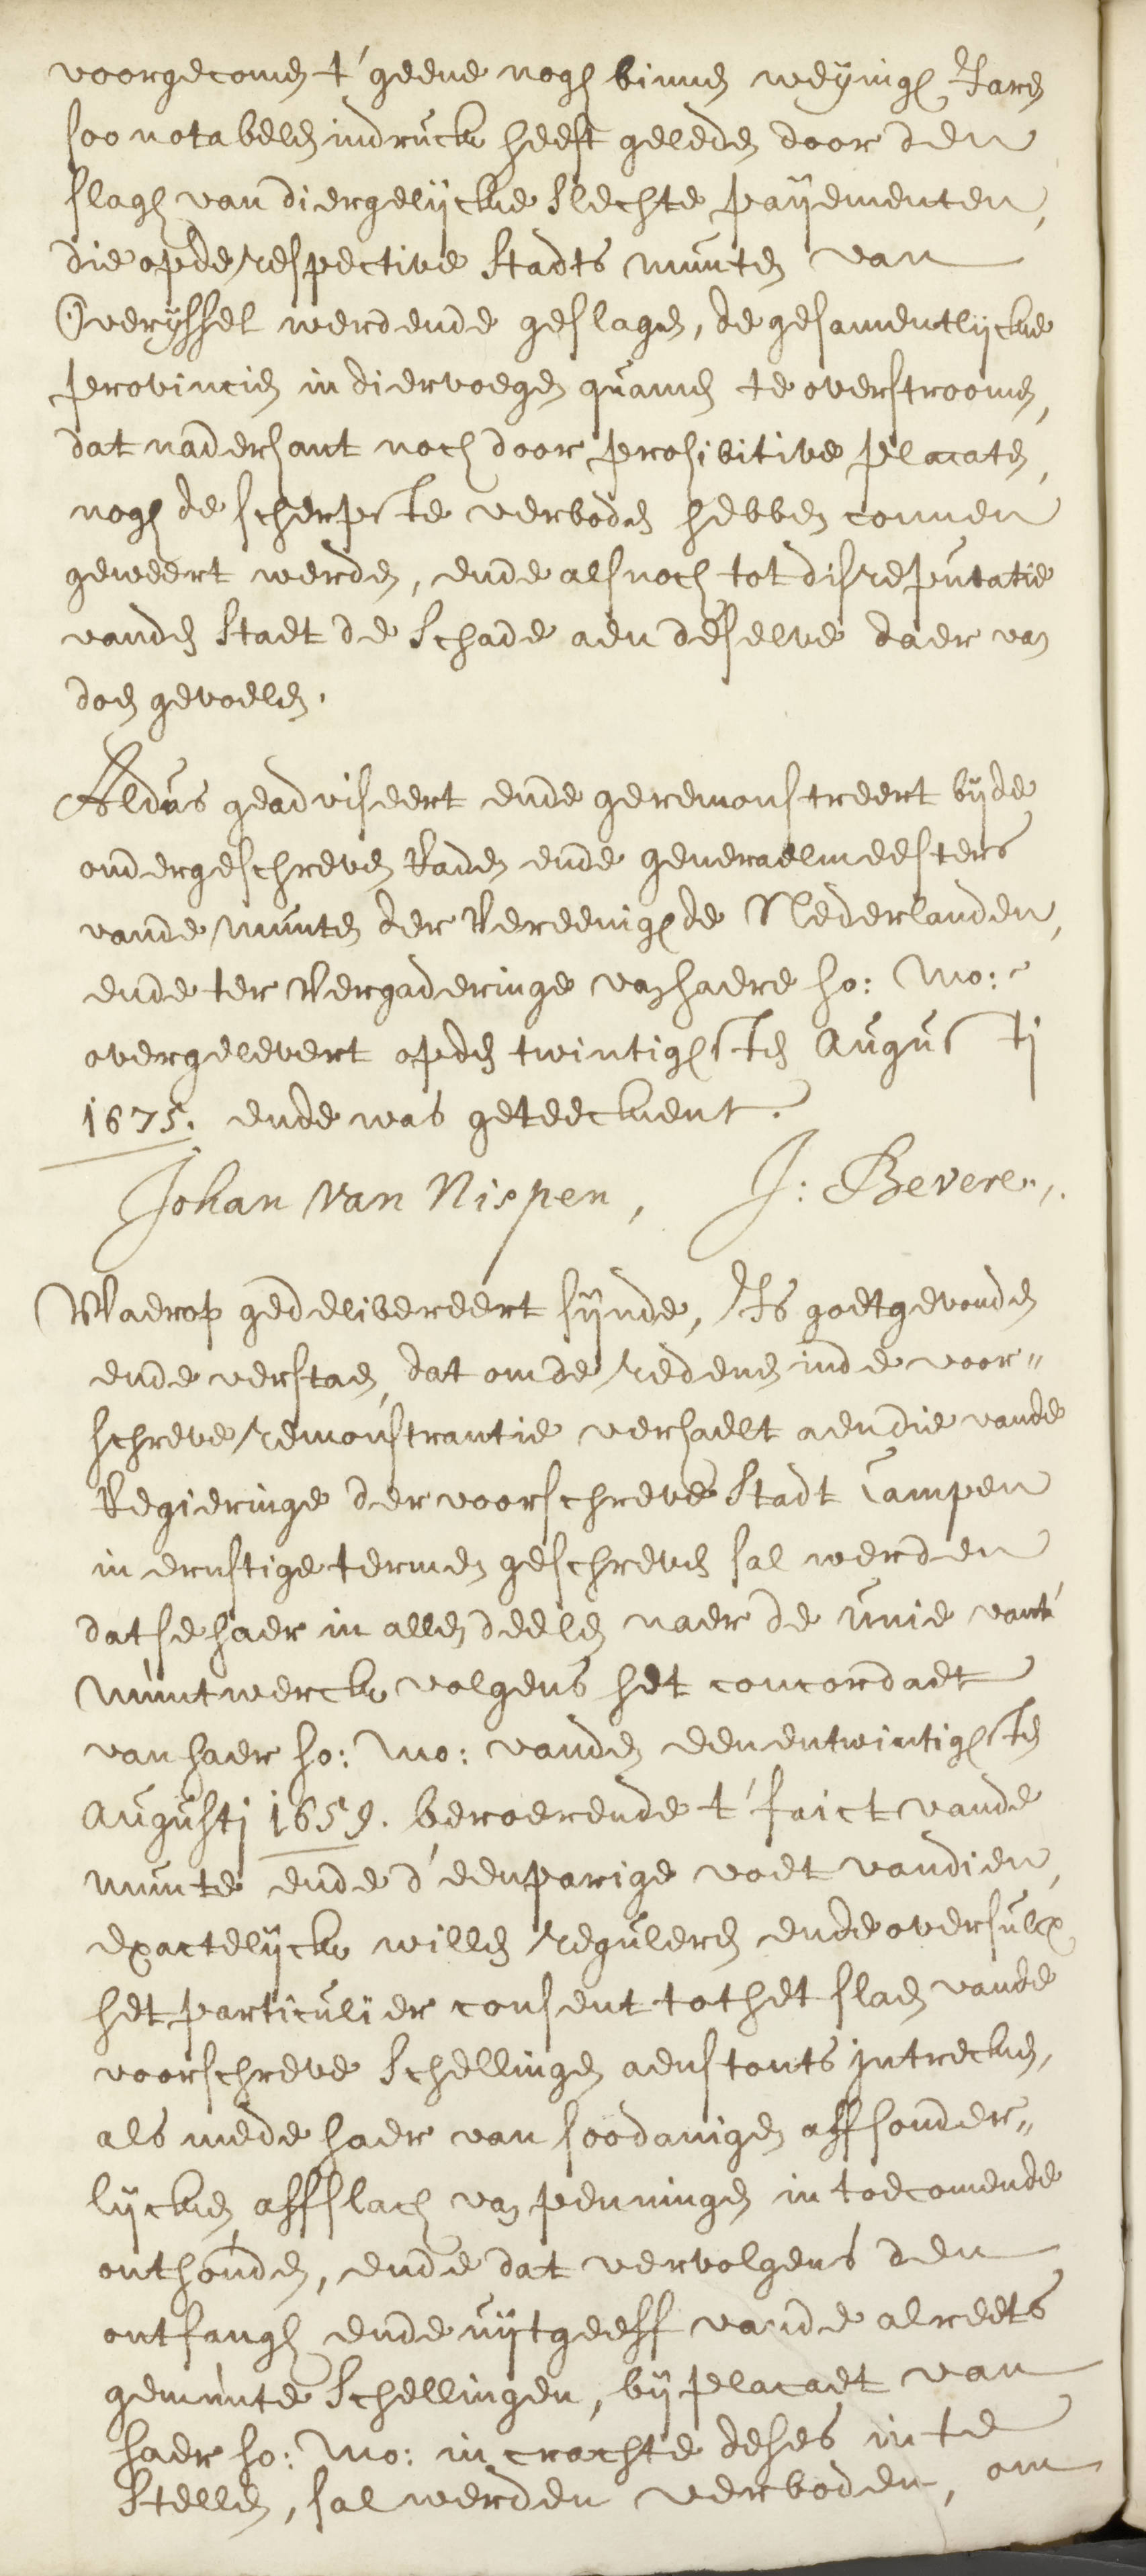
voorgecomen t'geene nogh binnen weijnigh Jaren
soo notabelen indruck heeft geleden door den
slagh van diergelijcke slechte paijementen,
die opde respective stadtsmunten van
Overijssel werdende geslagen, de gesamentlijcke
provincien in diervoegen quamen te overstroomen,
dat naderhant noch door prohibitive placaten
nogh de scherpste verboden hebben connen
geweert werden, ende alsnoch tot disreputatie
vanden staet de schade aen deselve daer van
doen gevoelen.
Aldus geadviseert, ende geremonstreert bijde
ondergeschreven Raden ende generaelmeesters
vande munten der Vereenighde Nederlanden,
ende ter vergaderinge van haere Ho:Mo:
overgelevert opden twintighsten Augusti
1675. ende was geteeckent.
Johan van Nispen,
J: Bevere,
Waerop gedelibereert sijnde, Is goetgevonden
ende verstaen, dat om de redenen inde voor„
schreve remonstrantie verhaelt aen die vande
Regieringe der voorschreve stadt Campen
in ernstige termen geschreven sal werden
datse haer in allen deelen naer de unie vant
muntwerck volgens het concordaet
van haer Ho:Mo: vanden eenentwintighsten
Augusti 1659. beroerende t'faict vande
munte ende d‛eenparige voet vandien
exactelijck willen reguleren, ende oversulcx
het particulier consent tot het slaen vande
voorschreve schellingen aenstonts intrecken
als mede haer van soodanigen affsonder,,
lijcken affslach van penningen in toecomende
onthouden, ende dat vervolgens den
ontfangh ende uijtgeeff vande alreets
gemunte schellingen, bij placaet van
haer Ho:Mo: in crachte deses in te
stellen, sal werden verboden, om
